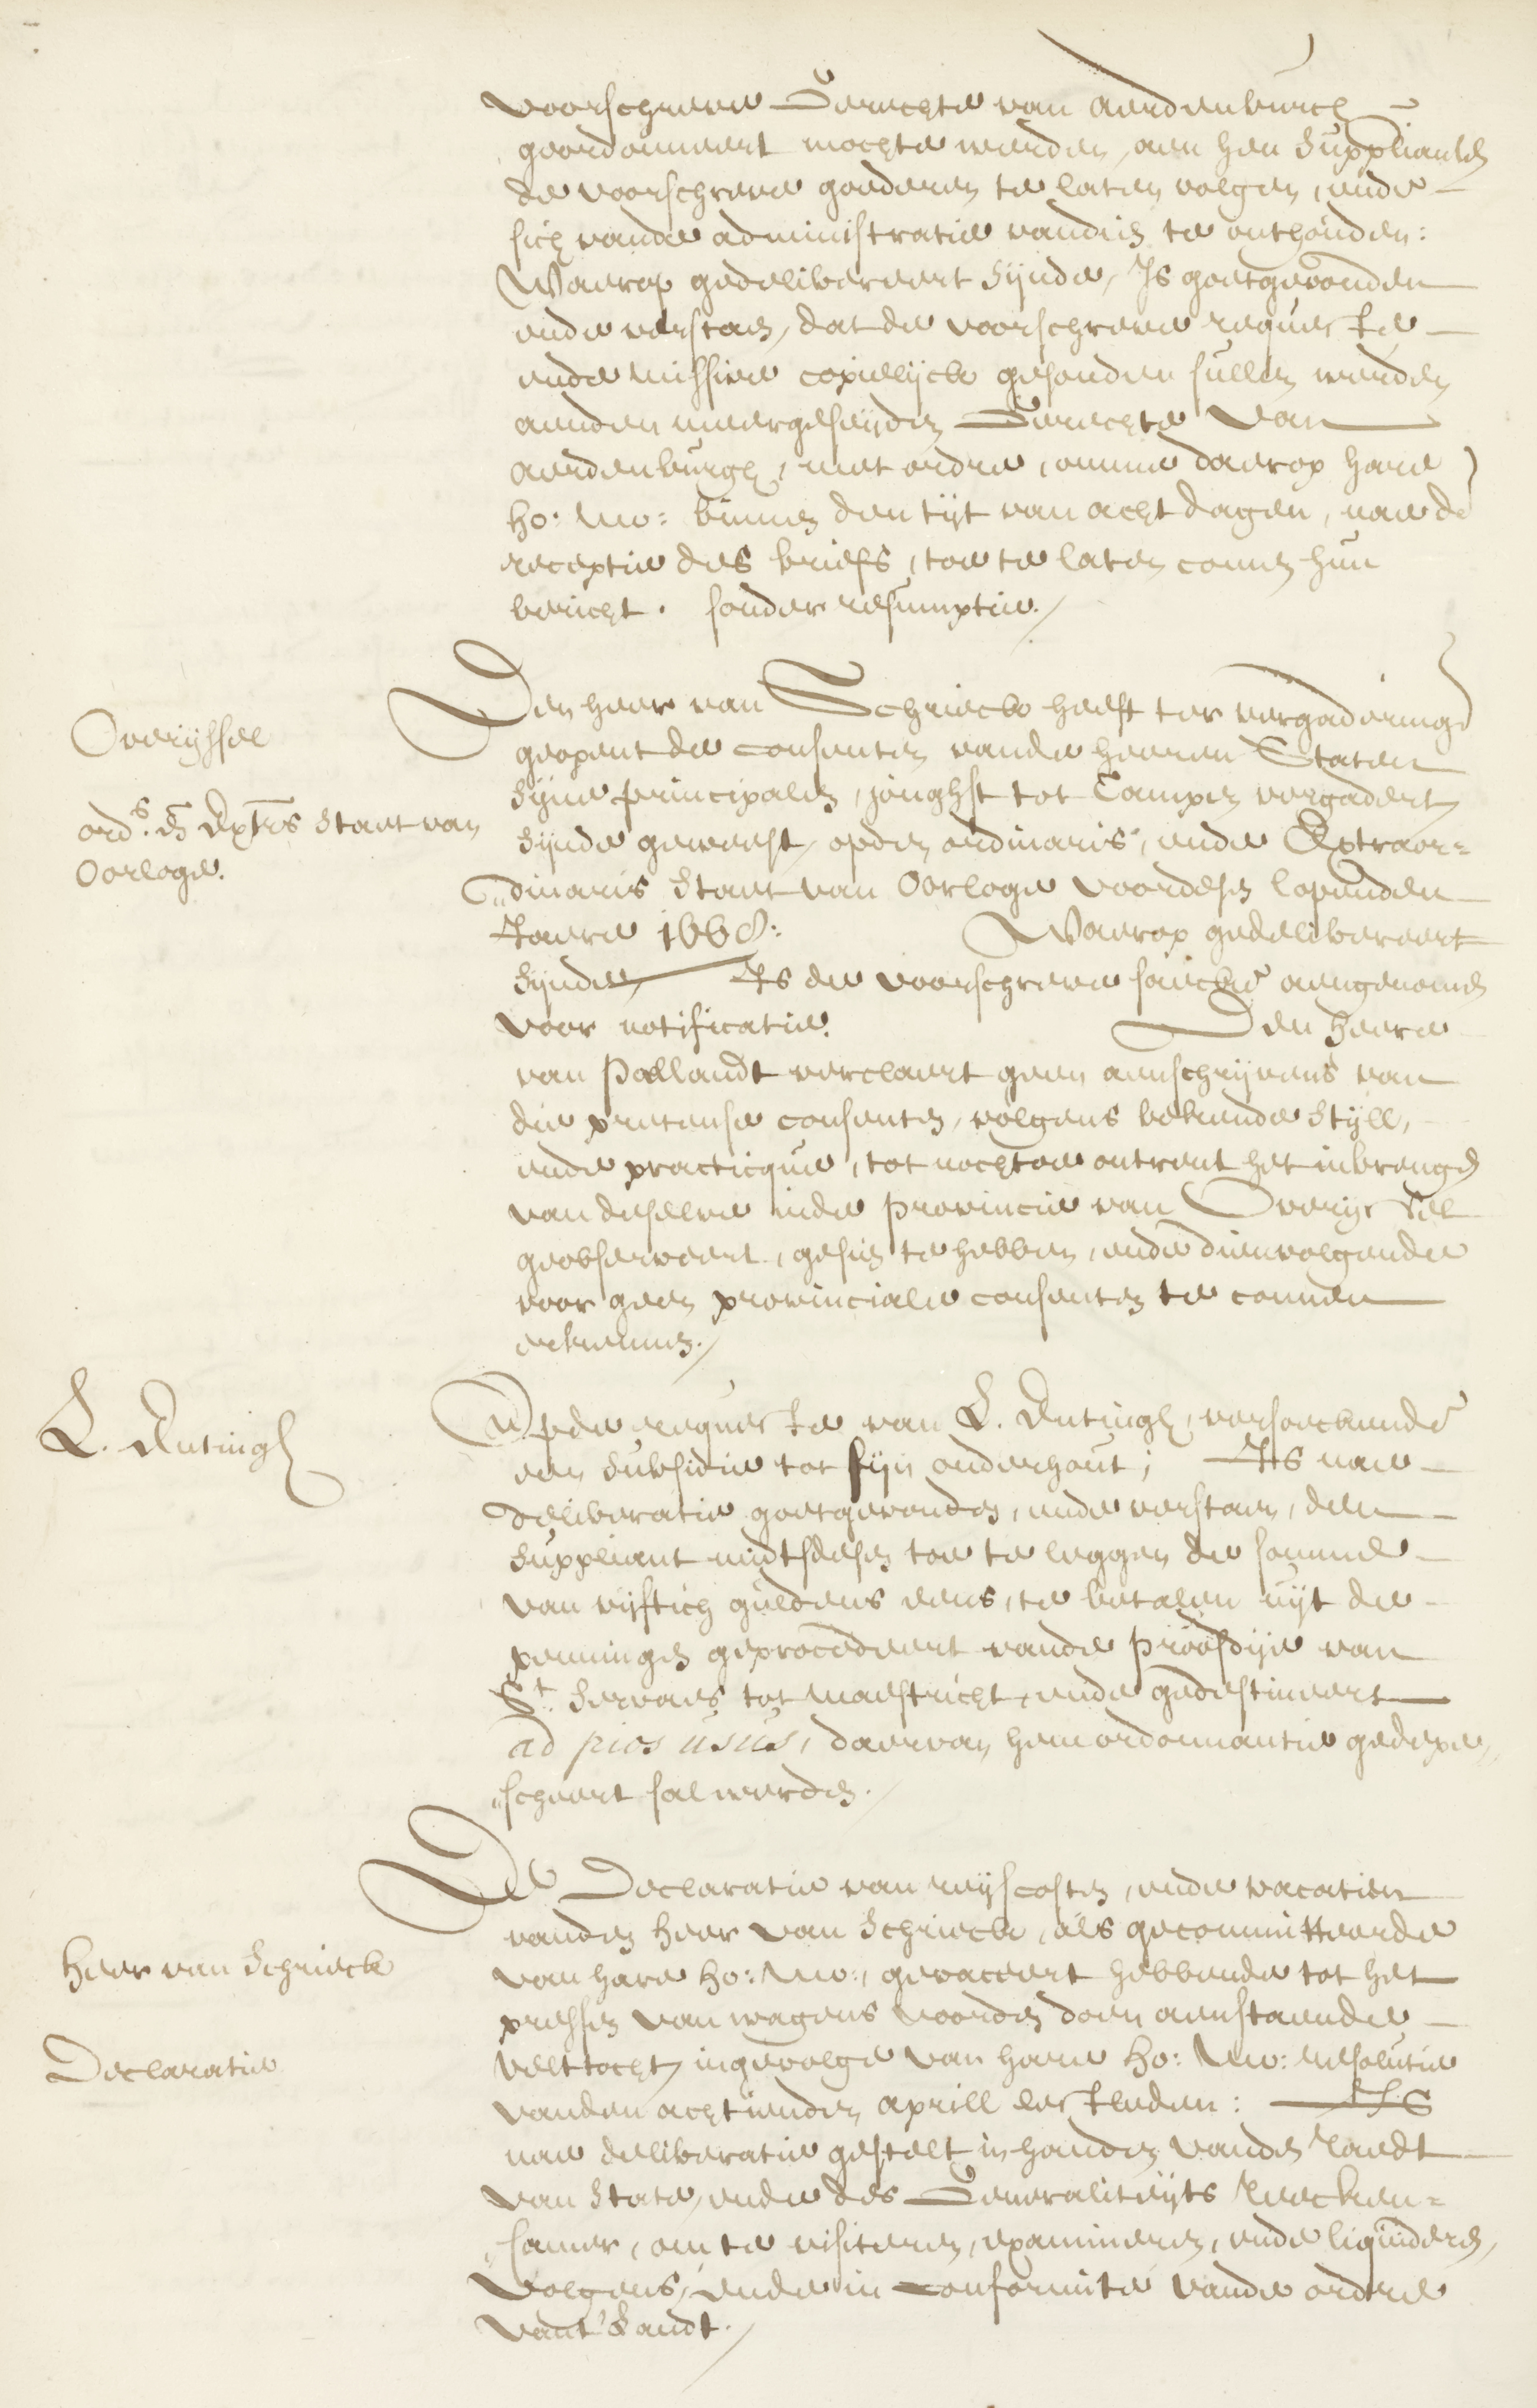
voorschreve Gerechte van Aerdenburch
geordonneert mochte werden, aen hen Supplianten
de voorschreve goederen te laten volgen, ende
sich vande administratie vandien te onthouden:
Waerop gedelibereert sijnde, Is goetgevonden
ende verstaen, dat de voorschreve requeste
ende missive copielijck gesonden sullen werden
aenden meergeseijden Gerechte van
Aerdenburgh, met ordre, omme daerop hare
ho:Mo: binnen den tijt van acht dagen, nae de
receptie des briefs, toe te laten comen hun
bericht. sonder resumptie.
Overijssel
ords. en Extrs Staet van
Oorloge.
Den heer van Schrieck heeft ter vergaderinge
geopent de consenten vande heeren Staten
sijne principalen, jonghst tot Campen vergadert,
sijnde geweest, opden ordinaris, ende Extraor„
„dinaris Staet van Oorloge voordesen lopenden
Jaere 1668: Waerop gedelibereert
sijnde, Is de voorschreve saecke aengenomen
voor notificatie. Den heere
van Pallandt verclaert geen aenschrijvens van
die pretense consenten, volgens bekende stijll,
ende practicque, tot nochtoe ontrent het inbrengen
van deselve inde provincie van Overijssel
geobserveert, gesien te hebben, ende dienvolgende
voor geen provinciale consenten te connen
erkennen.
L. Entingh
Opde requeste van L. Entingh, versoeckende
een subsidie tot sijn onderhout; Is nae
deliberatie goetgevonden, ende verstaen, den
Suppliant midtsdesen toe te leggen de somme
van vijftich guldens eens, te betalen uijt de
penningen geprocedeert vande proosdije van
St. Servaes tot maestricht, ende gedestineert
ad pios usus, daervan hem ordonnantie gedepe„
„scheert sal werden.
heer van Schrieck
Declaratie
De Declaratie van reijscosten, ende vacatien
vanden heer van Schrieck, als gecommitteerde
van hare ho:Mo: gevaceert hebbende tot het
pressen van wagens voorden doen aenstaende
velttocht, ingevolge van hare Ho:Mo: resolutie
vanden achtienden aprill lestleden: Is
nae deliberatie gestelt in handen vanden Raedt
van State, ende des Generaliteijts Reecken„
„Camer, om te visiteren, examineren, ende liquideren,
volgens, ende in conformité vande ordre
vant‛ Landt.
